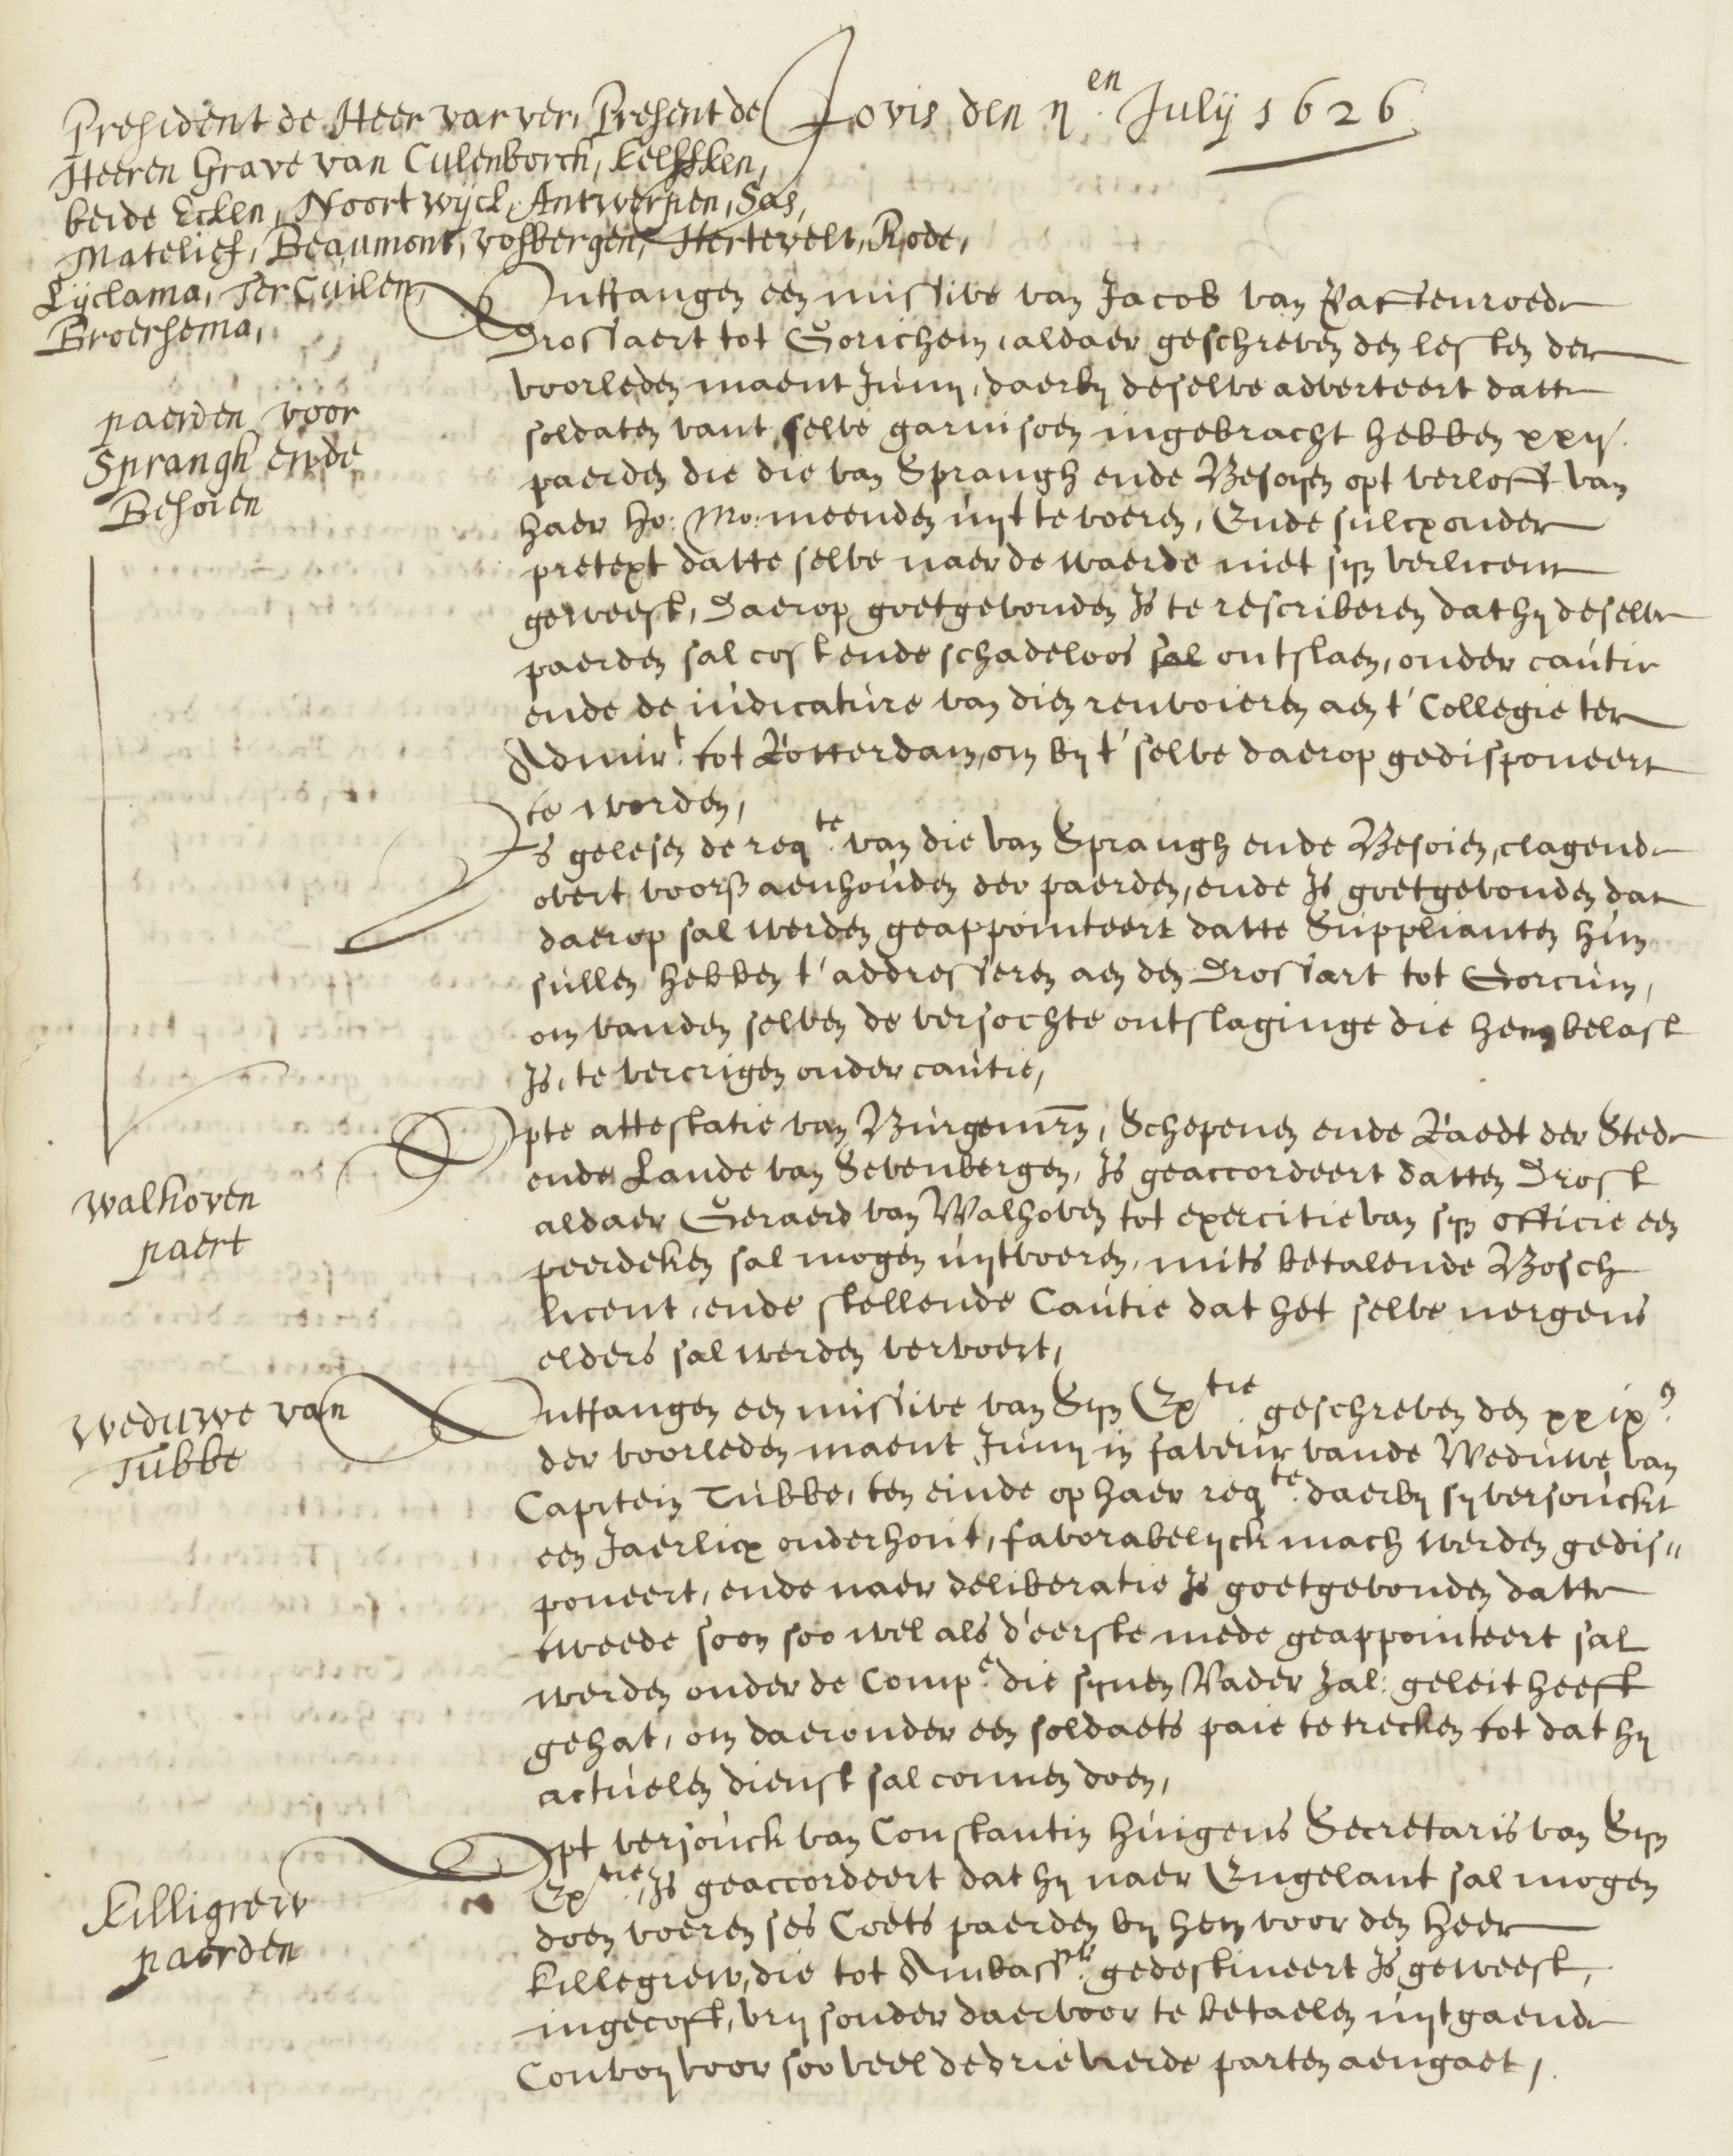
Jovis den ijen Julij 1626.
President de Heer Varver, present de
Heeren Grave van Culenborch, Kelffken,
beide Ecken, Noortwijck, Antwerpen, Sas,
Matelief, Beaumont, Vosbergen, Hertevelt, Rode,
Lijclama, Ter Cuilen,
Broersema.
Paerden voor
Sprangh ende
Besoien
Ontfangen een missive van Jacob van Paffenroede
Drossaert tot Gorichem, aldaer geschreven den lesten der
voorleden maent Junij, daerby deselve adverteert datte
soldaten vant selve garnisoen ingebracht hebben xxij
paerden die die van Sprangh ende Besoyen opt verloff van
haer Ho:Mo: meenden uyt te voeren. Ende sulcx onder
pretext datte selve naer de waerde niet syn verlicent
geweest. Daerop goetgevonden is te rescriberen dat hy deselve
paerden sal cost ende schadeloos sal ontslaen, onder cautie
ende de iudicature van dien renvoieren aen t'Collegie ter
Admirt tot Rotterdam, om bij t'selve daerop gedisponeert
te worden.
Is gelesen de reqte van die van Sprangh ende Besoien, clagende
overt voors aenhouden der paerden, ende is goetgevonden dat
daerop sal worden geappointeert datte Supplianten hun
sullen hebben t'adresseren aen den drossart tot Gorcum,
om vanden selven de versochte ontslaginge die hen belast
is te vercrigen onder cautie.
Walhoven
paert
Opte attestatie van Burgemrn, Schepenen ende Raedt der Stede
ende Lande van Sevenbergen, is geaccordeert datten drost
aldaer Geraerd van Walhoven tot exercitie van syn officie een
peerdeken sal mogen uytvoeren, mits betalende Bosch
licent, ende stellende cautie dat het selve nergens
elders sal werden vervoert.
Weduwe van
Tubbe
Ontfangen een missive van Syn Extie geschreven den xxixe
der voorleden maent Juny in faveur vande weduwe van
Capitein Tubbe, ten einde op haer reqte daerby sy versouckt
een jaerlicx onderhout, favorabelyck mach werden gedis„
poneert, ende naer deliberatie is goetgevonden datte
tweede soon soo wel als d'eerste mede geappointeert sal
werden onder de Compe. die synen vader zal: geleit heeft
gehat, om daeronder een soldaets paie te trecken tot dat hy
actuelen dienst sal connen doen.
Killigrew
paerden
Opt versouck van Constantin Huigens Secretaris van Syn
Extie, is geaccordeert dat hy naer Engelant sal mogen
doen voeren ses Coets paerden by hem voor den heer
Killegrew die tot Ambassur. gedestineert is geweest,
ingecoft, vry sonder daervoor te betaelen uytgaende
convoy voor soo veel de drie vierde parten aengaet.
